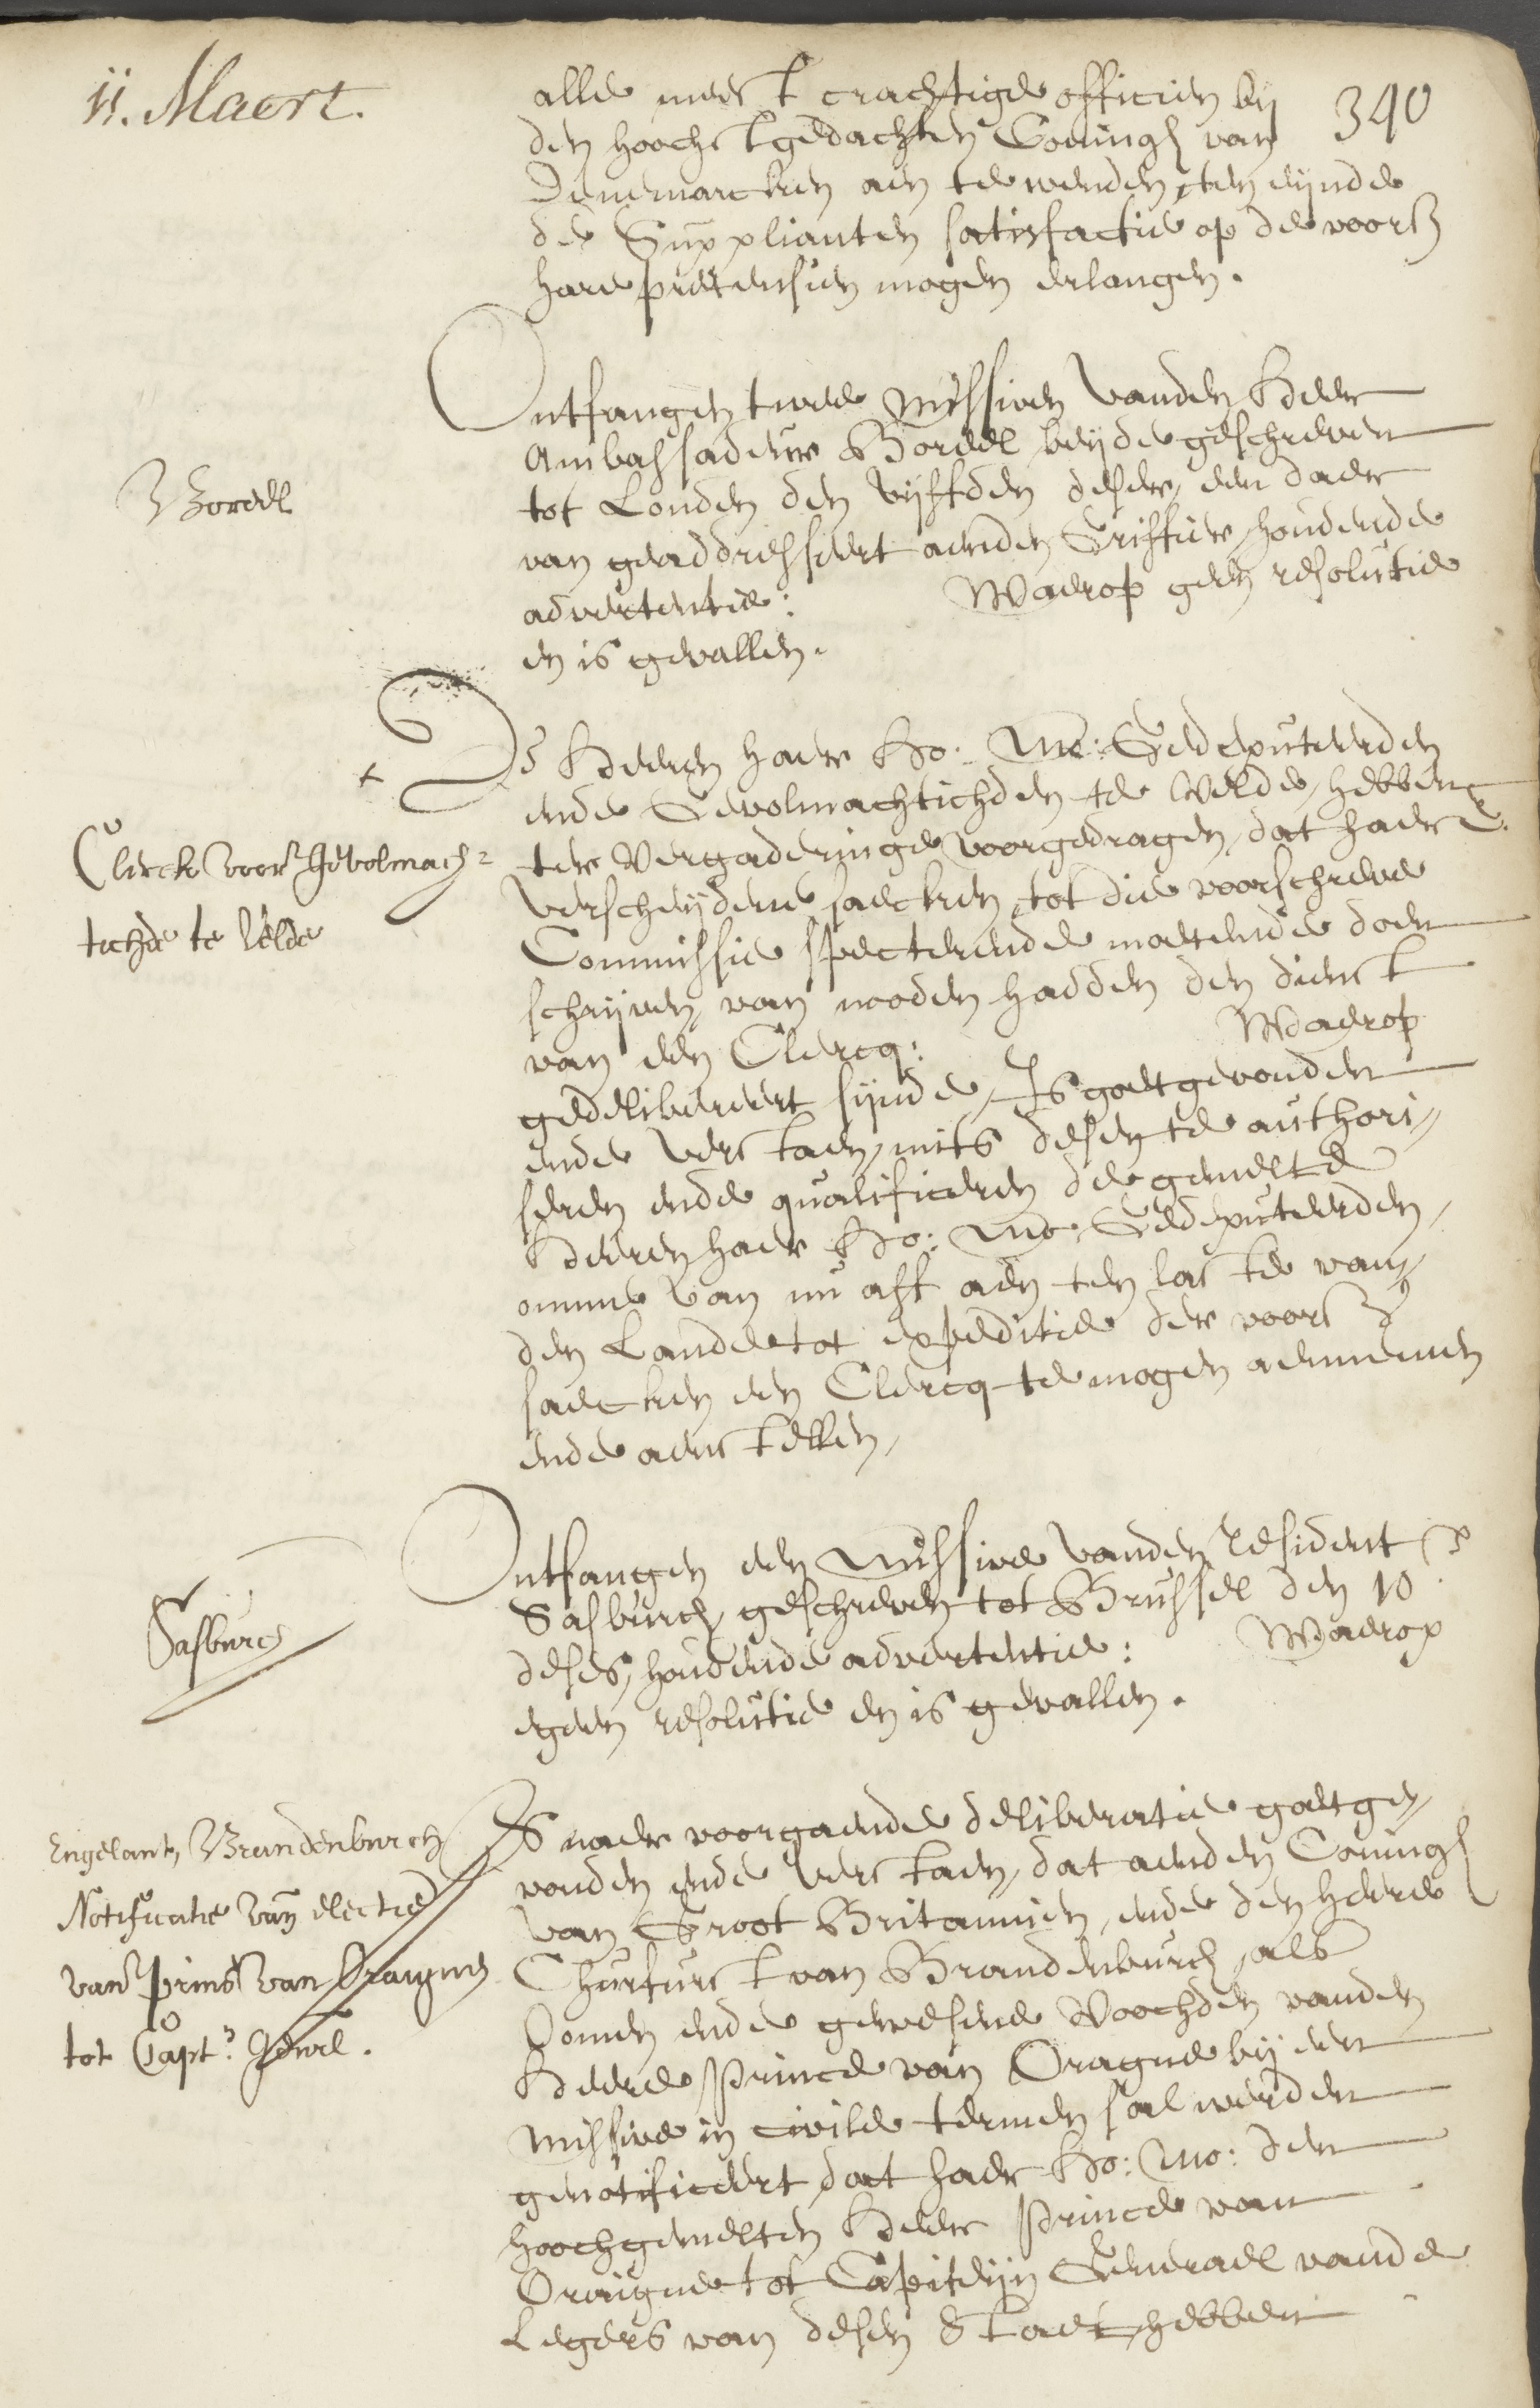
340
11. Maert.
alle meest crachtige officien bij
den hoochstgedachten Coningh van
Denemarcken aen te wenden ten eijnde
de Supplianten satisfactie op de voors
hare pretensien mogen erlangen.
Boreel
Ontfangen twee missiven vanden Heer
Ambassadeur Boreel beijde geschreven
tot Londen den vijffden deser, een daer
van geaddresseert aenden Griffier, houdende
advertentie: Waerop geen resolutie
en is gevallen.
Clerck voor Gevolmach„
tichde te Velde
De Heeren haer Ho:Mo: Gedeputeerden
ende Gevolmachtichden te Velde, hebben
ter Vergaderinge voorgedragen, dat haer E.
verscheijdene saecken tot die voorschreve
Commissie specterende moetende doen
schrijven, van nooden hadden den dienst
van een Clerq: Waerop
gedelibereert sijnde, Is goetgevonden
ende verstaen, mits desen te authori„
seren ende qualificeren de gemelte
Heeren haer Ho:Mo: Gedeputeerden,
omme van nu aff aen ten laste van,,
den Lande tot expeditie der voors
saecken een Clercq te mogen aennemen
ende aenstellen.
Sasburch
Ontfangen een Missive vanden resident
Sasburch, geschreven tot Brussel den 10e.
deses, houdende advertentie: Waerop
egeen resolutie en is gevallen.
Engelant, Brandenburch
Notificatie van electie
van Prins van Oraignen
tot Captn. Genrl.
Is naer voorgaende deliberatie goetge,,
vonden ende verstaen, dat aenden Coningh
van Groot Britannien, ende den heere
Churfurst van Brandenburch als
Oomen ende gewesene Voochden vanden
Heere Prince van Oragne bij een
missive in civile termen sal werden
genotificeert, dat haer Ho:Mo: den
hoochgemelten Heer Prince van
Oraigne tot Capiteijn Generael vande
Legers van desen Staet, hebben
